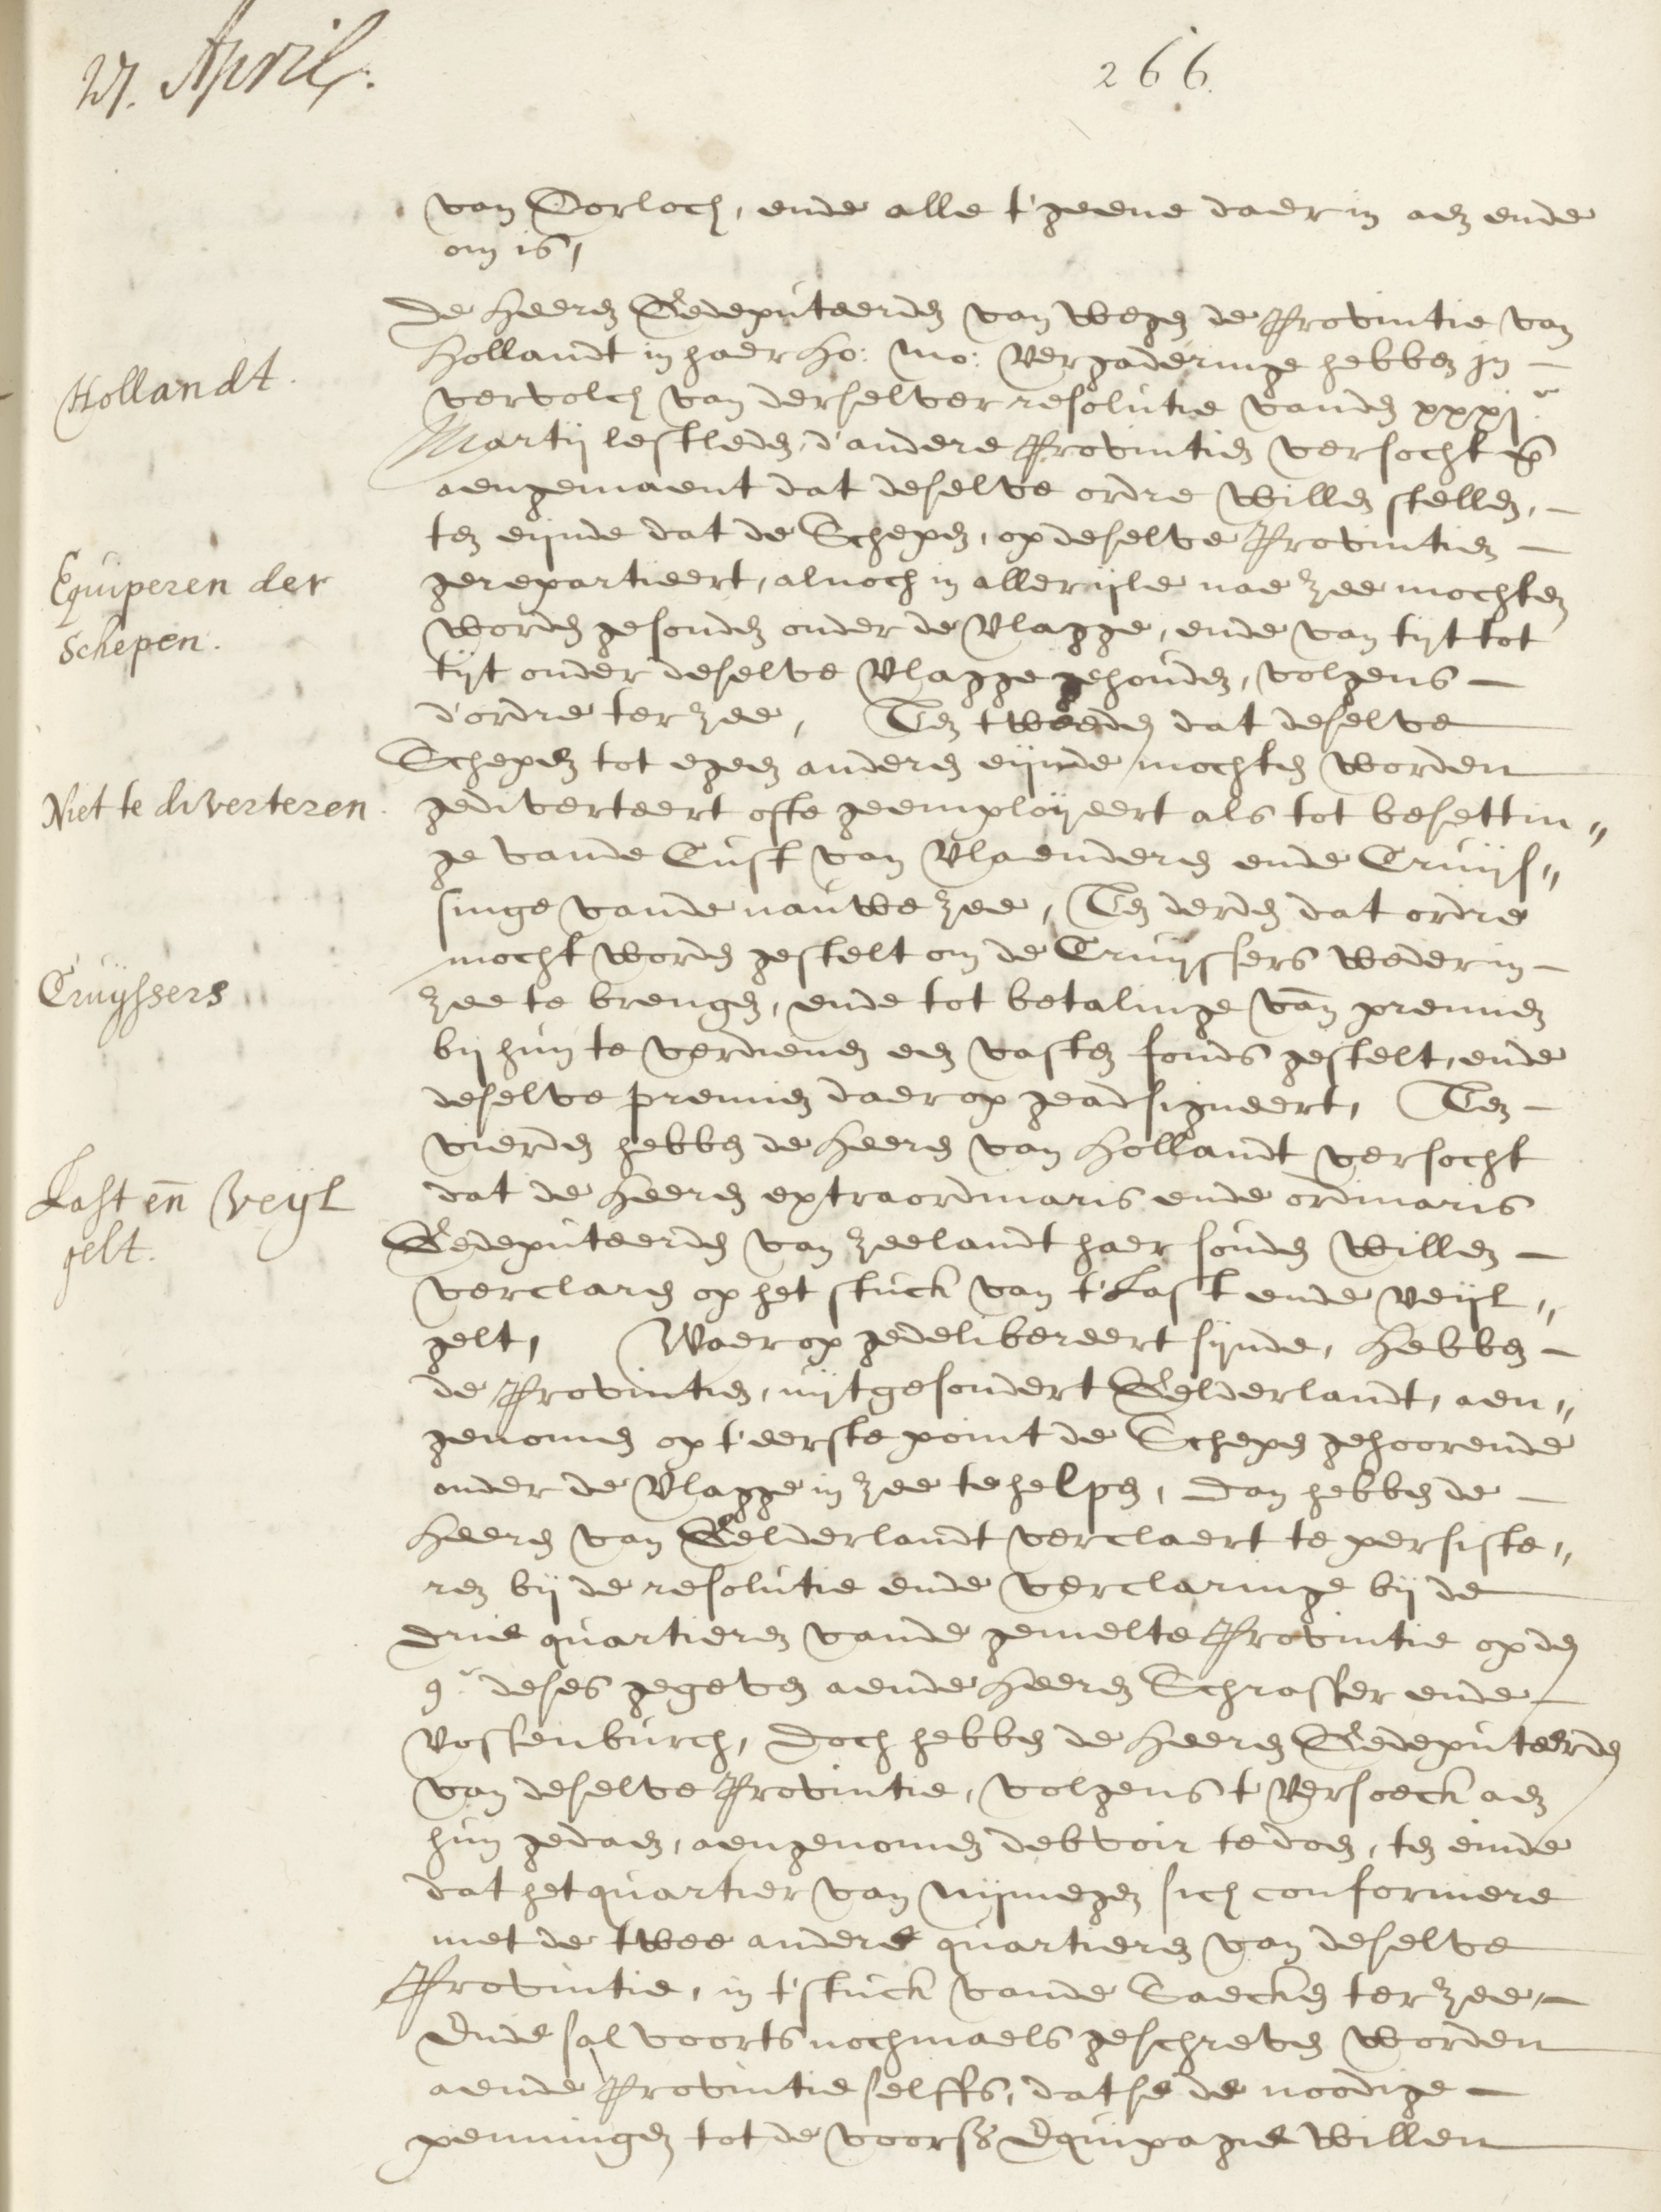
266.
27. April.
van Oorloch, ende alle t'geene daer in aen ende
om is.
Hollandt
Equiperen der
schepen
Niet te diverteren
Cruijssers
Last end veijl
gelt.
De heeren Gedeputeerden van wegen de Provintie van
Hollandt in haer Ho:mo: vergaderinge hebben in -
vervolch van derselver resolutie vanden xxxie
Martij lestleden, d'andere Provintien versocht &
aengemaent dat deselve ordre willen stellen,
ten eijnde dat de Schepen, op deselve Provintien
gerepartieert, alnoch in allerijle nae zee mochten
worden gesonden onder de vlagge, ende van tijt tot
tijt onder deselve vlagge gehouden, volgens
d'ordre ter zee. Ten tweeden dat deselve
Schepen tot egeen anderen eijnde mochten worden
gediverteert ofte geemploijeert als tot besettin„
ge vande Cust van Vlaenderen ende Cruijs„
singe vande nauwe zee. Ten derden dat ordre
mocht worden gestelt om de Cruijssers weder in
zee te brengen, ende tot betalinge van premien
bij hun te verdienen een vasten fonds gestelt, ende
deselve premien daer op geadsigneert. Ten
vierden hebben de heeren van Hollandt versocht
dat de heeren extraordinaris ende ordinaris
Gedeputeerden van Zeelandt haer souden willen
verclaren op het stuck van t' Last ende Veijl„
gelt. Waer op gedelibereert sijnde, hebben -
de Provintien, uijtsondert Gelderlandt, aen„
genomen op t'eerste point de Schepen gehoorende
onder de vlagge in zee te helpen, dan hebben de
heeren van Gelderlandt verclaert te persiste„
ren bij de resolutie ende verclaringe bij de
drie quartieren vande gemelte Provintie op den
9e deses gegeven aende heeren Schrasser ende
Vossenburch, doch hebben de heeren Gedeputeerden
van deselve Provintie, volgens t'versoeck aen
hun gedaen, aengenomen debvoir te doen, ten einde
dat het quartier van Nijmegen sich conformere
met de twee andere quartieren van deselve
Provintie, in t'stuck vande Saecken ter zee,-
Ende sal voorts nochmaels geschreven worden
aende Provintie selffs datse de noodige
penningen tot de voors Equipagie willen
